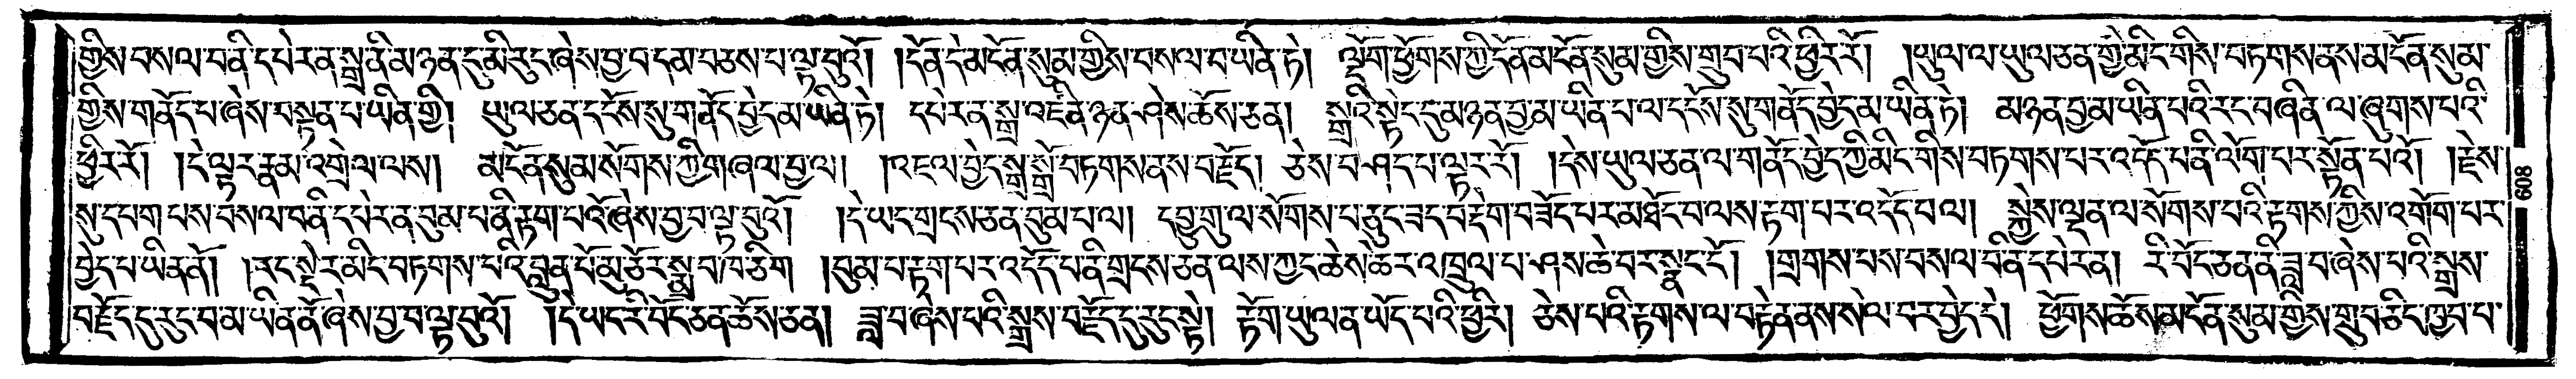གྱིས་བསལ་བ་ནི་དཔེར་ན་སྒྲ་ནི་མཉན་དུ་མི་རུང་ཞེས་བྱ་བ་དམ་བཅས་པ་ལྟ་བུའོ། །དོན་དེ་མངོན་སུམ་གྱིས་བསལ་བ་ཡིན་ཏེ། ལྡོག་ཕྱོགས་ཀྱི་དོན་མངོན་སུམ་གྱིས་གྲུབ་པའི་ཕྱིར་རོ། །ཡུལ་ལ་ཡུལ་ཅན་གྱི་མིང་གིས་བཏགས་ནས་མངོན་སུམ་
གྱིས་གནོད་པ་ཞེས་བསྟན་པ་ཡིན་གྱི། ཡུལ་ཅན་དངོས་སུ་གནོད་བྱེད་མ་ཡིན་ཏེ། དཔེར་ན་སྒྲ་འཛིན་ཉན་ཤེས་ཆོས་ཅན། སྒྲའི་སྟེང་དུ་མཉན་བྱ་མ་ཡིན་པ་ལ་དངོས་སུ་གནོད་བྱེད་མ་ཡིན་ཏེ། མཉན་བྱ་མ་ཡིན་པའི་རང་བཞིན་ལ་ཞུགས་པའི་
ཕྱིར་རོ། །དེ་ལྟར་རྣམ་འགྲེལ་ལས། མངོན་སུམ་སོགས་ཀྱི་གཞལ་བྱ་ལ། །འཇལ་བྱེད་སྒྲ་སྒྲོ་བཏགས་ནས་བརྗོད། ཅེས་བཤད་པ་ལྟར་རོ། །དེས་ཡུལ་ཅན་ལ་གནོད་བྱེད་ཀྱི་མིང་གིས་བཏགས་པར་འདོད་པ་ནི་ལོག་པར་སྟོན་པའོ། །རྗེས་
སུ་དཔག་པས་བསལ་བ་ནི་དཔེར་ན་བུམ་པ་ནི་རྟག་པའོ་ཞེས་བྱ་བ་ལྟ་བུའོ། །དེ་ཡང་གྲངས་ཅན་བུམ་པ་ལ། དབྱུ་གུ་ལ་སོགས་པ་ཅུང་ཟད་བརྡེག་བཟོད་པར་མཐོང་བ་ལས་རྟག་པར་འདོད་པ་ལ། སྐྱེས་ལྡན་ལ་སོགས་པའི་རྟགས་ཀྱིས་འགོག་པར་
བྱེད་པ་ཡིན་ནོ། །རང་སྡེར་མིང་བཏགས་པའི་བླུན་པོ་མུ་ཅོར་སྨྲ་བ་ཁ་ཅིག །བུམ་པ་རྟག་པར་འདོད་པ་ནི་གྲངས་ཅན་ལས་ཀྱང་ཆེས་ཆེར་འཁྲུལ་པ་ཤས་ཆེ་བར་སྣང་ངོ། །གྲགས་པས་བསལ་བ་ནི་དཔེར་ན། རི་བོང་ཅན་ནི་ཟླ་བ་ཞེས་པའི་སྒྲས་
བརྗོད་དུ་རུང་བ་མ་ཡིན་ནོ་ཞེས་བྱ་བ་ལྟ་བུའོ། །དེ་ཡང་རི་བོང་ཅན་ཆོས་ཅན། ཟླ་བ་ཞེས་པའི་སྒྲས་བརྗོད་དུ་རུང་སྟེ། རྟོག་ཡུལ་ན་ཡོད་པའི་ཕྱིར། ཅེས་པའི་རྟགས་ལ་བརྟེན་ནས་སེལ་བར་བྱེད་དེ། ཕྱོགས་ཆོས་མངོན་སུམ་གྱིས་གྲུབ་ཅིང་ཁྱབ་པ་